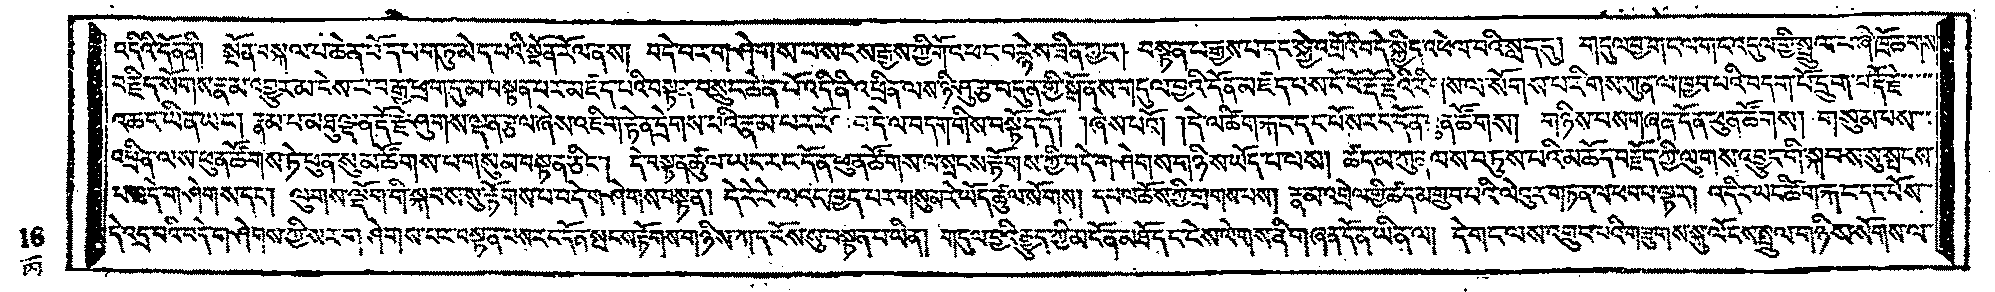འདིའི་དོན་ནི། སྔོན་བསྐལ་པ་ཆེན་པོ་དཔག་ཏུ་མེད་པའི་སྔོན་རོལ་ནས། བདེ་བར་གཤེགས་པ་སངས་རྒྱས་ཀྱི་གོ་འཕང་བརྙེས་ཟིན་ཀྱང་། བསྟན་པ་རྒྱས་པ་དང་སྐྱེ་འགྲོའི་བདེ་སྐྱིད་འཕེལ་བའི་སླད་དུ། གདུལ་བྱ་གང་ལ་གང་འདུལ་གྱི་སྤྲུལ་པ་ཞི་ཁྲོ་ཆགས་
བརྗིད་སོགས་རྣམ་འགྱུར་མ་ངེས་པ་བརྒྱ་ཕྲག་དུ་མ་བསྟན་པར་མཛད་པའི་བསྟན་བསྲུང་ཆེན་པོ་འདི་ནི་འཕྲིན་ལས་ཉི་ཤུ་རྩ་བདུན་གྱི་སྒོ་ནས་གདུལ་བྱའི་དོན་མཛད་པས་ངོ་བོ་རྡོ་རྗེའི་རིགས་ལ་སོགས་པ་རིགས་ཀུན་ལ་ཁྱབ་པའི་བདག་པོ་དྲུག་པ་རྡོ་རྗེ་
འཆང་ཡིན་ཡང་། རྣམ་པ་མཐུ་ལྡན་རྡོ་རྗེ་ཤུགས་ལྡན་རྩལ་ཞེས་འཇིག་རྟེན་དྲེགས་པའི་རྣམ་པར་རོལ་བ་དེ་ལ་བདག་གིས་བསྟོད་དོ། །ཞེས་པའོ། །དེ་ལ་ཚིག་རྐང་དང་པོས་རང་དོན་ཕུན་ཚོགས། གཉིས་པས་གཞན་དོན་ཕུན་ཚོགས། གསུམ་པས་
འཕྲིན་ལས་ཕུན་ཚོགས་ཏེ་ཕུན་སུམ་ཚོགས་པ་གསུམ་བསྟན་ཅིང་། དེ་བསྟན་ཚུལ་ཡང་རང་དོན་ཕུན་ཚོགས་ལ་སྤངས་རྟོགས་ཀྱི་བདེ་གཤེགས་གཉིས་ཡོད་པ་ལས། ཚད་མ་ཀུན་ལས་བཏུས་པའི་མཆོད་བརྗོད་ཀྱི་ལུགས་འབྱུང་གི་སྐབས་སུ་སྤངས་
པ་བདེ་གཤེགས་དང་། ལུགས་ལྡོག་གི་སྐབས་སུ་རྟོགས་པ་བདེ་གཤེགས་བསྟན། དེ་རེ་རེ་ལའང་ཁྱད་པར་གསུམ་རེ་ཡོད་ཚུལ་སོགས། དཔལ་ཆོས་ཀྱི་གྲགས་པས། རྣམ་འགྲེལ་གྱི་ཚད་མ་གྲུབ་པའི་ལེའུར་གཏན་ལ་ཕབ་པ་ལྟར། འདིར་ཡང་ཚིག་རྐང་དང་པོས་
དེ་འདྲ་བའི་བདེ་གཤེགས་ཀྱི་སར་གཤེགས་པར་བསྟན་པས་རང་དོན་སྤངས་རྟོགས་གཉིས་ཀ་དངོས་སུ་བསྟན་པ་ཡིན། གདུལ་བྱའི་རྒྱུད་ཀྱི་མངོན་མཐོ་དང་ངེས་ལེགས་ནི་གཞན་དོན་ཡིན་ལ། དེ་གང་ལས་འགྲུབ་པའི་གཟུགས་སྐུ་ལོངས་སྤྲུལ་གཉིས་སོགས་ལ་